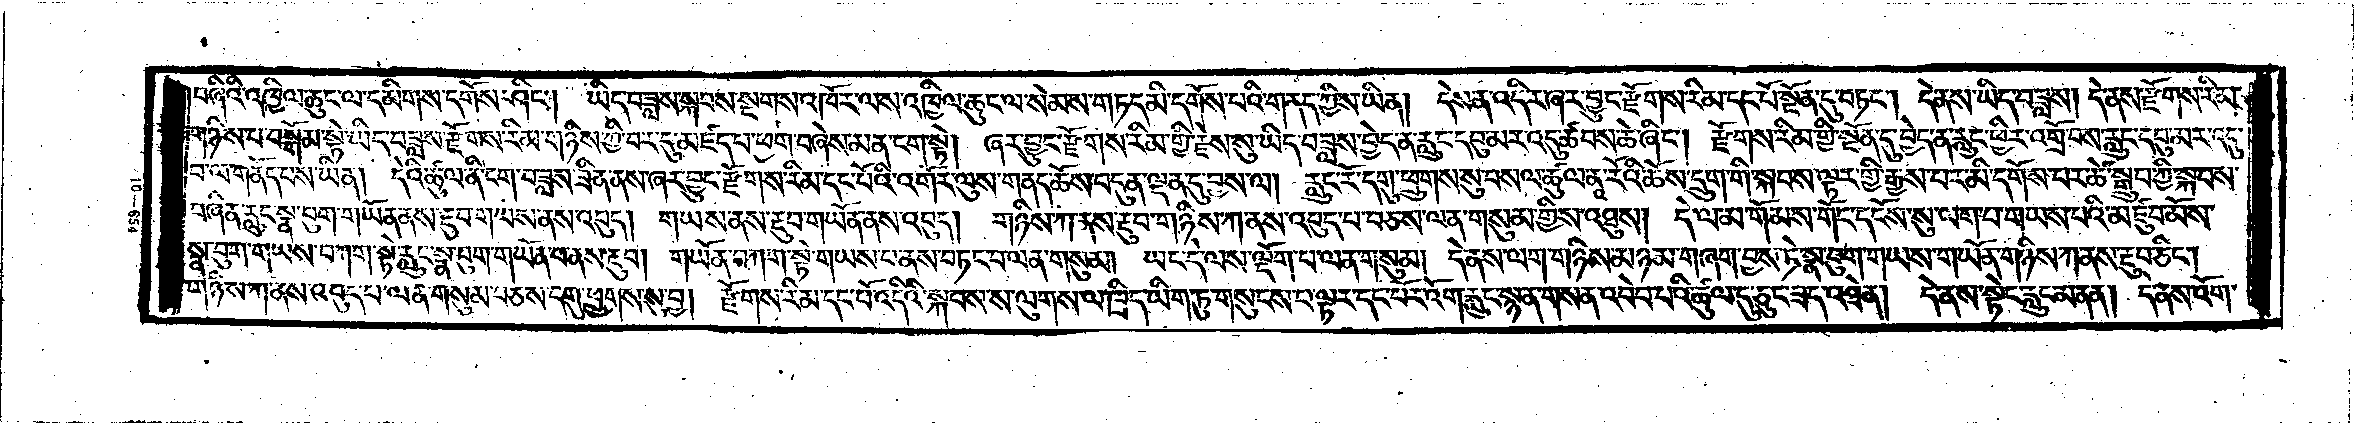བཞིའི་འཁྱིལ་ཆུང་ལ་དམིགས་དགོས་ཤིང་། ཡིད་བཟླས་སྐབས་སྔགས་འཁོར་ལས་འཁྱིལ་ཆུང་ལ་སེམས་གཏད་མི་དགོས་པའི་གནད་ཀྱིས་ཡིན། དེས་ན་འདིར་ཞར་བྱུང་རྫོགས་རིམ་དང་པོ་སྔོན་དུ་བཏང་། དེ་ནས་ཡིད་བཟླས། དེ་ནས་རྫོགས་རིམ་
གཉིས་པ་བསྒོམ་སྟེ་ཡིད་བཟླས་རྫོགས་རིམ་གཉིས་ཀྱི་བར་དུ་མཛད་པ་ཕྱག་བཞེས་མན་ངག་སྟེ། ཞར་བྱུང་རྫོགས་རིམ་གྱི་རྗེས་སུ་ཡིད་བཟླས་བྱེད་ན་རླུང་དབུ་མར་འདུ་ཚབས་ཆེ་ཞིང་། རྫོགས་རིམ་གྱི་སྔོན་དུ་བྱེད་ན་རླུང་ཕྱིར་འགྲོ་བས་རླུང་དབུ་མར་འདུ་
བ་ལ་གནོད་པས་ཡིན། དེའི་ཚུལ་ནི་ངག་བཟླས་ཟིན་ནས་ཞར་བྱུང་རྫོགས་རིམ་དང་པོའི་འགོར་ལུས་གནད་ཆོས་བདུན་ལྡན་དུ་བྱས་ལ། རླུང་རོ་དགུ་ཕྲུགས་སུ་བསལ་ཚུལ་ནཱ་རོའི་ཆོས་དྲུག་གི་སྐབས་ལྟར་གྱི་རྒྱས་པར་མི་དགོས་པར་ཚེ་སྒྲུབ་གྱི་སྐབས་
བཞིན་རླུང་སྣ་བུག་གཡོན་ནས་རྡུབ་གཡས་ནས་འབུད། གཡས་ནས་རྡུབ་གཡོན་ནས་འབུད། གཉིས་ཀ་ནས་རྡུབ་གཉིས་ཀ་ནས་འབུད་པ་བཅས་ལན་གསུམ་གྱིས་འཐུས། དེ་ལ་མ་གོམས་གོང་དངོས་སུ་ལག་པ་གཡས་པའི་མཛུབ་མོས་
སྣ་བུག་གཡས་བཀག་སྟེ་རླུང་སྣ་བུག་གཡོན་པ་ནས་རྡུབ། གཡོན་བཀག་སྟེ་གཡས་པ་ནས་བཏང་བ་ལན་གསུམ། ཡང་དེ་ལས་ལྡོག་པ་ལན་གསུམ། དེ་ནས་ལག་གཉིས་མཉམ་གཞག་བྱས་ཏེ་སྣ་བུག་གཡས་གཡོན་གཉིས་ཀ་ནས་རྡུབ་ཅིང་།
གཉིས་ཀ་ནས་འབུད་པ་ལ་ན་གསུམ་བཅས་དགུ་ཕྲུགས་སུ་བྱ། རྫོགས་རིམ་དང་པོ་འདིའི་སྐབས་ས་ལུགས་ལ་ཁྲིད་ཡིག་ཏུ་གསུངས་པ་ལྟར་དང་པོར་འོག་རླུང་སྙན་གསན་འབེབ་པའི་ཚུལ་དུ་ཅུང་ཟད་འཐེན། དེ་ནས་སྟེང་རླུང་མནན། དེ་ནས་འོག་